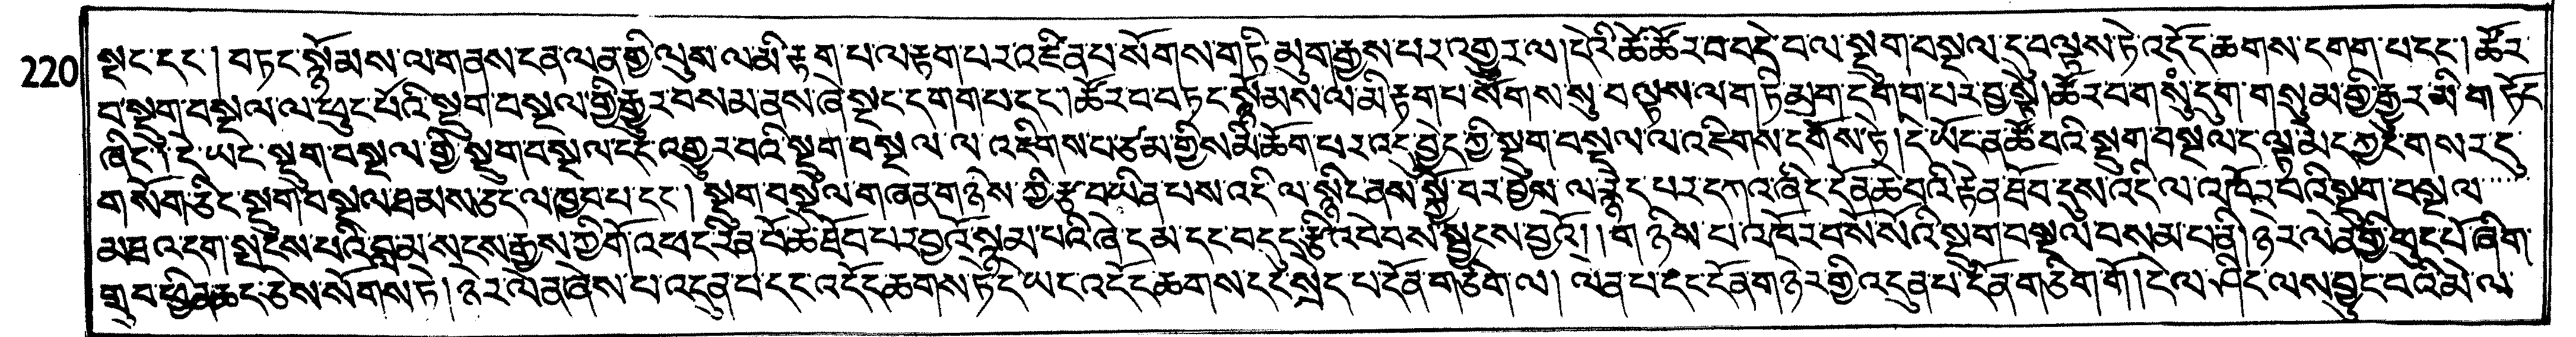སྡང་དང་། བཏང་སྙོམས་ལ་གནས་ངན་ལན་གྱི་ལུས་ལ་མི་རྟག་པ་ལ་རྟག་པར་འཛིན་པ་སོགས་གཏི་མུག་རྒྱས་པར་འགྱུར་ལ། དེའི་ཚེ་ཚོར་བ་བདེ་བ་ལ་སྡུག་བསྔལ་དུ་བལྟས་ཏེ་འདོད་ཆགས་དགག་པ་དང་། ཚོར་
བ་སྡུག་བསྔལ་ལ་ཕུང་པོའི་སྡུག་བསྔལ་གྱི་རྒྱུར་བསམ་ནས་ཞེ་སྡང་དགག་པ་དང་། ཚོར་བ་བཏང་སྙོམས་ལ་མི་རྟག་པ་སོགས་སུ་བལྟས་ལ་གཏི་མུག་དགག་པར་བྱ་སྟེ། ཚོར་བ་གསུམ་དུག་གསུམ་གྱི་རྒྱུར་མི་གཏོང་
ཞིང༑ དེ་ཡང་སྡུག་བསྔལ་གྱི་སྡུག་བསྔལ་དང་འགྱུར་བའི་སྡུག་བསྔལ་ལ་འཇིགས་པ་ཙམ་གྱིས་མི་ཆོག་པར་འདུ་བྱེད་ཀྱི་སྡུག་བསྔལ་ལ་འཇིགས་དགོས་ཏེ། དེ་ཡོད་ན་ཚོ་བའི་སྡུག་བསྔལ་ད་ལྟ་མེད་ཀྱང་གསར་དུ་
གསོག་ཅིང་སྡུག་བསྔལ་ཐམས་ཅད་ལ་ཁྱབ་པ་དང་། སྡུག་བསྔལ་གཞན་གཉིས་ཀྱི་རྩ་བ་ཡིན་པས་འདི་ལ་སྙིང་ནས་སྐྱོ་བར་བྱས་ལ་རྙེད་པར་དཀའ་ཞིང་དོན་ཆེ་བའི་རྟེན་ཐོབ་དུས་འདི་ལ་འཁོར་བའི་སྡུག་བསྔལ་
མཐའ་དག་སྤངས་པའི་བླ་མ་སངས་རྒྱས་ཀྱི་གོ་འཕང་རིན་པོ་ཆེ་ཐོབ་པར་བྱའོ་སྙམ་པའི་ཞེ་དམ་དང་བདུད་རྩི་འབེབས་སྦྱངས་བྱའོ། །གཉིས་པ་འཁོར་བ་སོ་སོའི་སྡུག་བསྔལ་བསམ་པ་ནི། ཉེར་ལེན་གྱི་ཕུང་པོ་ཞིག་
གྲུབ་ཕྱིན་ཆད་ཅེས་སོགས་ཏེ། ཉེར་ལེན་ཞེས་པ་འདུན་པ་དང་འདོད་ཆགས་ཏེ་དེ་ཡང་འདོད་ཆགས་དང་སྲེད་པ་དོན་གཅིག་ལ། ལེན་པ་དང་དོན་གཉེར་གྱི་འདུན་པ་དོན་གཅིག་གོ །དེ་ལ་ཤིང་ལས་བྱུང་བའི་མེ་ལ་